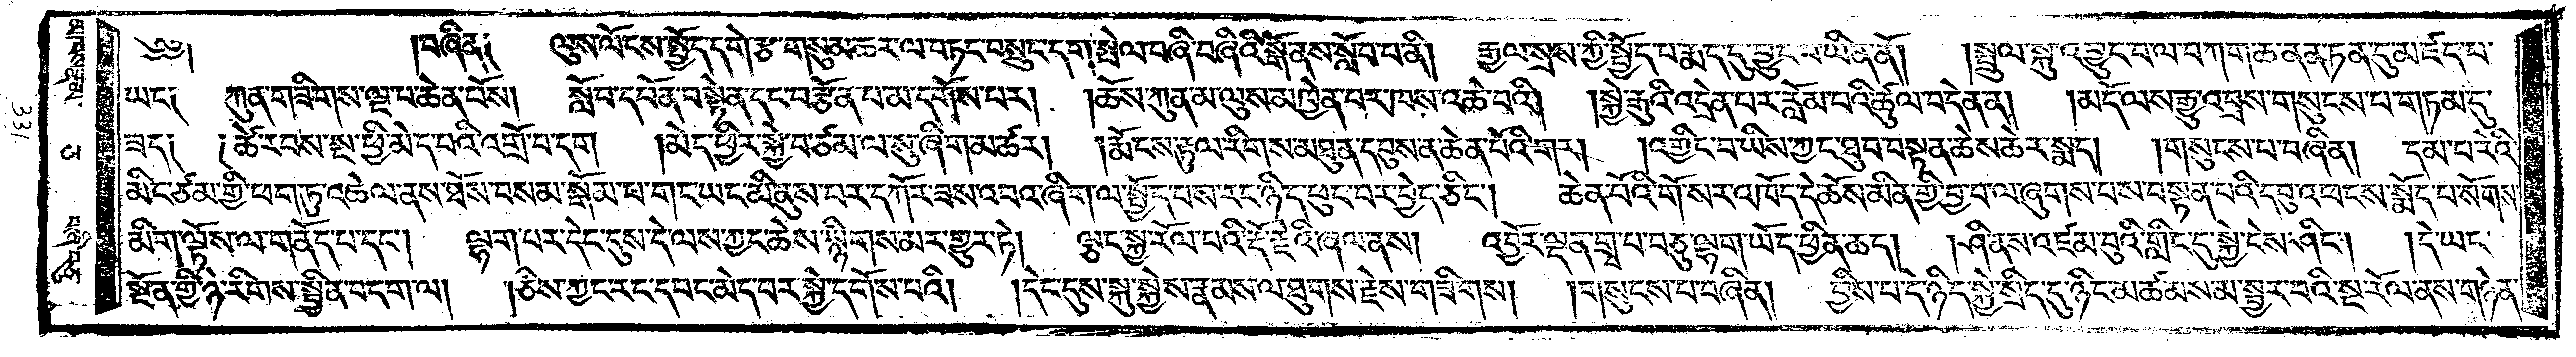༄༅། །བཞིན༑ ལུས་ལོངས་སྤྱོད་དགེ་རྩ་གསུམ་ཆར་ལ་བཏང་བསྲུང་དག་སྤེལ་བཞི་བཞིའི་སྒོ་ནས་སློབ་བ་ནི། རྒྱལ་སྲས་ཀྱི་སྤྱོད་པ་རྨད་དུ་བྱུང་བ་ཡིན་ནོ། །སྤྲུལ་སྐུ་འབྱུང་བ་ལ་བཀག་ཆ་ནན་ཏན་དུ་མཛད་པ་
ཡང༑ ཀུན་གཟིགས་ལྔ་པ་ཆེན་བོས། སློབ་དཔོན་བསྟེན་དང་བརྩོན་པ་མ་དགོས་པར། །ཆོས་ཀུན་མ་ལུས་མཁྱེན་བར་ཁས་འཆེ་བའི། །སྐྱེ་རྒུའི་འདྲེན་པར་རློམ་པའི་ཚུལ་བདེན་ན། །མདོ་ལས་རྒྱུ་འབྲས་གསུངས་པ་གཏམ་དུ་
ཟད༑ ༑ཚེ་རབས་སྔ་ཕྱི་མེད་པའི་འགྲོ་བ་དག །མེད་ཕྱིར་སྐྱེ་བ་ཙམ་ལ་སུ་ཞིག་མཚར། །རྨོངས་རྟུལ་རིགས་མཐུན་དབུས་ན་ཆེན་པོའི་གར། །འགྱིང་བ་ཡིས་ཀྱང་ཐུབ་བསྟན་ཆེས་ཆེར་སྨད། །གསུངས་པ་བཞིན། དམ་པ་རེའི་
མིང་ཙམ་གྱི་ཕག་ཏུ་འཆེལ་ནས་ཐོས་བསམ་སྒོམ་པ་གང་ཡང་མི་ནུས་པར་དཀོར་ཟས་འབའ་ཞིག་ལ་སྤྱོད་བས་རང་ཉིད་ཕུང་བར་བྱེད་ཅིང་། ཆེན་པོའི་གོ་སར་འཁོད་དེ་ཆོས་མིན་གྱི་བྱ་བ་ལ་ཞུགས་པས་བསྟན་པའི་དབུ་འཕངས་སྨོད་པ་སོགས་
མིག་ལྟོས་ལ་གནོད་པ་དང་། ལྷག་པར་དེང་དུས་དེ་ལས་ཀྱང་ཆེས་སྙིགས་མར་གྱུར་ཏེ། ལྕང་སྐྱ་རོལ་པའི་རྡོ་རྗེའི་ཞལ་ནས། འབྱོར་ལྡན་གྲྭ་བ་བཅུ་ལྷག་ཡོད་ཕྱིན་ཆད། །ཤི་ནས་འཛམ་བུའི་གླིང་དུ་སྐྱེ་ངེས་ཤིང་། །དེ་ཡང་
སྔོན་གྱི་ཉེ་རིགས་སྦྱིན་བདག་ལ། །ཅིས་ཀྱང་རང་དབང་མེད་བར་སྐྱེ་དགོས་བའི། །དེང་དུས་སྐུ་སྐྱེས་རྣམས་ལ་ཐུགས་རྗེས་གཟིགས། །གསུངས་པ་བཞིན། བྱིས་པ་དེ་ཉིད་སྐྱེ་སྲིད་དུ་ཉིང་མཚམས་མ་སྦྱར་བའི་སྔ་རོལ་ནས་གཉེན་